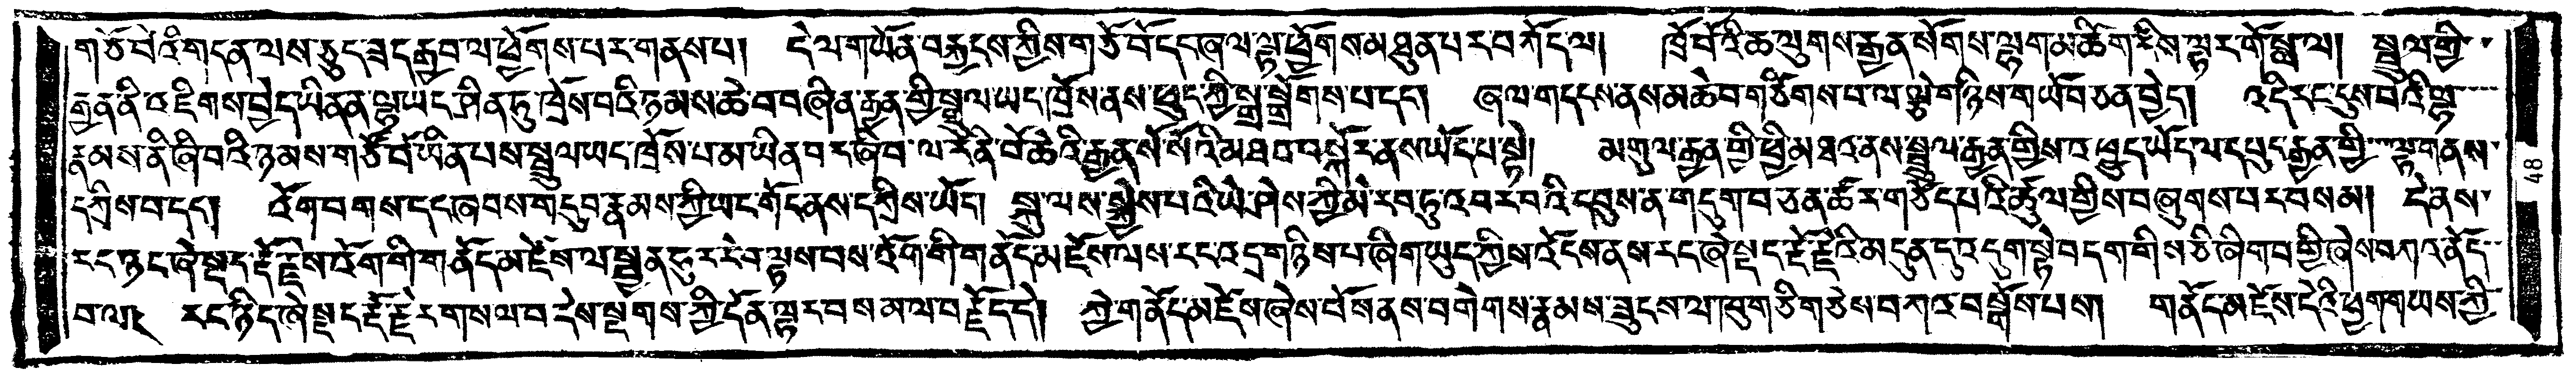གཙོ་བོའི་གདན་ལས་ཅུང་ཟད་རྒྱབ་ལ་ཕྱོགས་པར་གནས་པ། དེ་ལ་གཡོན་བརྐྱངས་ཀྱིས་གཙོ་བོ་དང་ཞལ་ལྟ་ཕྱོགས་མཐུན་པར་བཀོད་ལ། ཁྲོ་བོའི་ཆ་ལུགས་རྒྱན་སོགས་ལྷག་མ་ཚིག་རིས་ལྟར་གོ་སླ་ལ། སྦྲུལ་གྱི་
རྒྱན་ནི་འཇིགས་བྱེད་ཡིན་ན་ལྷ་ཡང་ཤིན་ཏུ་ཁྲོས་བའི་ཉམས་ཆེ་བ་བཞིན་རྒྱན་གྱི་སྒྲུལ་ཡང་ཁྲོས་ནས་ཕུང་ཀྱི་སྒྲ་སྒྲོགས་པ་དང་། ཞལ་གདངས་ནས་མཆེ་བ་གཙིགས་པ་ལ་ལྕེ་གཉིས་གཡོ་བ་ཅན་བྱེད། འདི་རང་ངུས་པའི་ལྷ་
རྣམས་ནི་ཞི་བའི་ཉམས་གཙོ་བོ་ཡིན་པས་སྦྲུལ་ཡང་ཁྲོས་པ་མ་ཡིན་པར་ཞི་བ་ལ་རིན་པོ་ཆེའི་རྒྱན་སོ་སོའི་མཐའ་བསྐོར་ནས་ཡོད་པ་སྟེ། མགུལ་རྒྱན་གྱི་ཕྱི་མཐའ་ནས་སྦྲུལ་རྒྱན་གྱིས་འཕྱུད་ཡོད་ལ་དཔུང་རྒྱན་གྱི་ལྟ་གནས་
དཀྲིས་པ་དང་། འོག་པགས་དང་ཞབས་གདུབ་རྣམས་ཀྱི་ཡང་གོང་ནས་དཀྲིས་ཡོད། སྐུ་ལས་སྐྱེས་པའི་ཡེ་ཤེས་ཀྱི་མེ་རབ་ཏུ་འབར་བའི་དབུས་ན་གདུག་པ་ཅན་ཚར་གཅོད་པའི་ཚུལ་གྱིས་བཞུགས་པར་བསམ། དེ་ནས་
རང་ཉང་ཞེ་སྡང་རྡོ་རྗེས་འོག་གི་གནོད་མཛེས་ལ་སྤྱན་ཧུར་རེ་བ་ལྟས་བས་འོག་གི་གནོད་མཛེས་ལས་རང་འདྲ་གཉིས་པ་ཞིག་ཡུད་ཀྱིས་འོངས་ནས་རང་ཞེ་སྡང་རྡོ་རྗེའི་མདུན་དུ་འདུག་སྟེ་བདག་གིས་ཅི་ཞིག་བགྱི་ཞེས་བཀའ་ནོད་
བ་ལ༑ རང་ཉིད་ཞེ་སྡང་རྡོ་རྗེར་གསལ་བ་དེས་སྔགས་ཀྱི་དོན་ལྟར་བསམ་ལ་བརྗོད་དེ། ཀྱེ་གནོད་མཛེས་ཞེས་བོས་ནས་བགེགས་རྣམས་ཟུངས་ལ་ཁུག་ཅིག་ཅེས་བཀའ་བསྒོས་པས། གནོད་མཛེས་དེའི་ཕྱག་གཡས་ཀྱི་